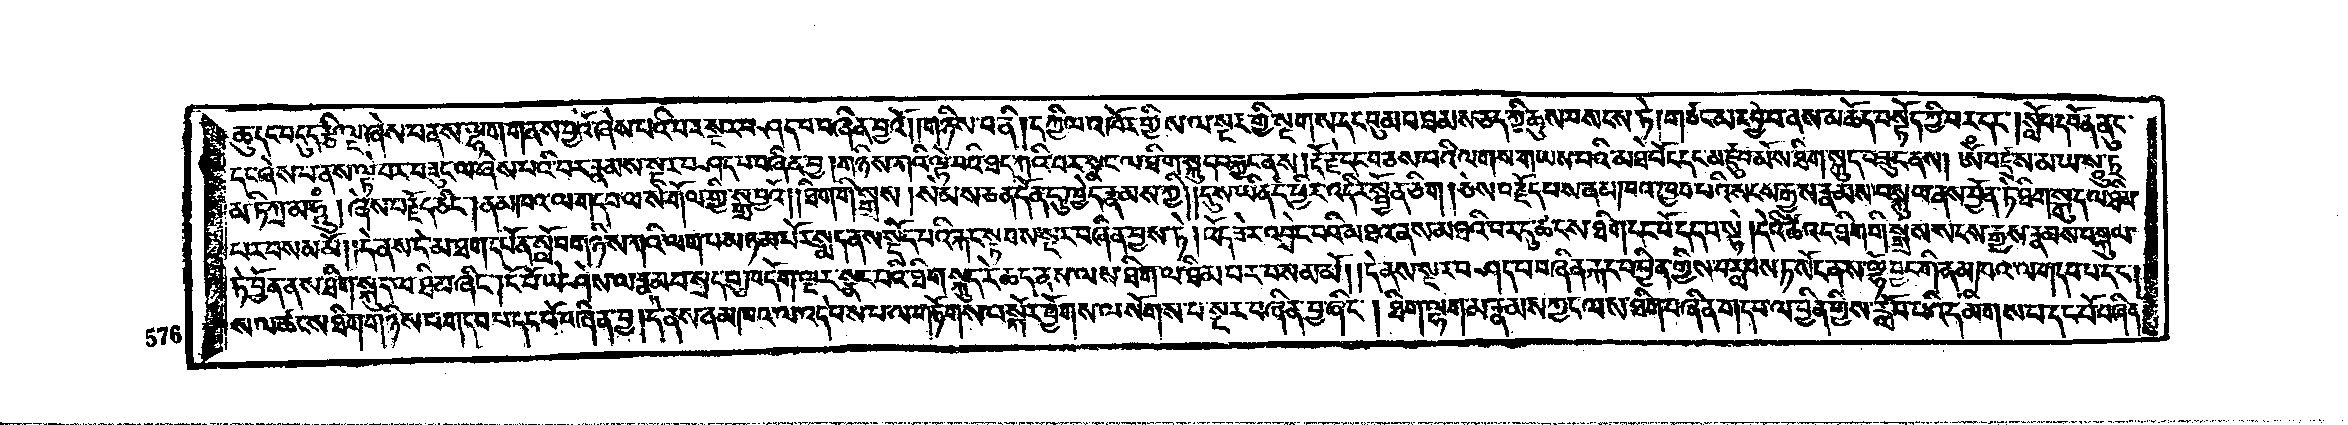ཆུ་དང་བདུད་རྩི་ལྔ་ཞེས་པ་ནས་ལྷག་གནས་བྱའོ་ཞེས་པའི་བར་སྔར་བཤད་པ་བཞིན་བྱའོ། །གཉིས་པ་ནི། དཀྱིལ་འཁོར་གྱི་ས་ལ་སྔར་གྱི་སྔགས་དང་བུམ་པ་ཐམས་ཅད་ཀྱི་ཆུས་བསངས་ཏེ། གཙང་མར་བྱ་བ་ནས་མཆོད་བསྟོད་ཀྱི་བར་དང་། སློབ་དཔོན་ནུབ་
དང་ཞེས་པ་ནས་ལྟེ་བར་བཟུང་ལ་ཞེས་པའི་བར་རྣམས་སྔར་བཤད་པ་བཞིན་བྱ། གཉིས་ཀའི་ལྟེ་བའི་ཐད་ཀའི་བར་སྣང་ལ་ཐིག་སྐུད་བརྐྱང་ནས། རྡོ་རྗེ་དང་བཅས་པའི་ལག་པ་གཡས་པའི་མཐེ་བོང་དང་མཛུབ་མོས་ཐིག་སྐུད་བཟུང་ནས། ཨོཾ་བཛྲ་ས་མ་ཡ་སཱུ་ཏྲ་
མ་ཏི་ཀྲ་མ་ཧཱུཾ། ཞེས་བརྗོད་ཅིང་། ནམ་མཁའ་ལ་གདབ་ལ་ས་གོལ་གྱི་སྒྲ་བྱའོ། །ཐིག་གི་སྒྲས། སེམས་ཅན་དོན་དུ་ཁྱེད་རྣམས་ཀྱི། །དུས་ཡིན་དེ་ཕྱིར་འདིར་སྦྱོན་ཅིག །ཅེས་བརྗོད་པས་ནམ་མཁའ་ཁྱབ་པའི་སངས་རྒྱས་རྣམས་བསྐུལ་ནས་བྱོན་ཏེ་ཐིག་སྐུད་ལ་ཐིམ་
པར་བསམ་མོ། །དེ་ནས་དེ་མ་ཐག་དཔོན་སློབ་གཉིས་ཀའི་ལག་པ་མཉམ་པོར་སྨད་ནས་སྡོད་པའི་རྐང་སྟབས་སྔར་བཞིན་བྱས་ཏེ། འོད་ཟེར་འཕྲེང་བའི་མཐའ་ནས་མཐའི་བར་དུ་ཚངས་ཐིག་དང་པོ་གདབ་སྟེ། དེའི་ཚེའང་ཐིག་གི་སྒྲས་སངས་རྒྱས་རྣམས་བསྐུལ་
ཏེ་བྱོན་ནས་ཐིག་སྐུད་ལ་ཐིམ་ཞིང་། ངོ་བོ་ཡེ་ཤེས་ལ་རྣམ་པ་སྲད་བུ་ཁ་དོག་ལྔར་སྣང་བའི་ཐིག་སྐུད་རེ་ཆད་ནས་ལས་ཐིག་ལ་ཐིམ་པར་བསམ་མོ། །དེ་ནས་སྔར་བཤད་པ་བཞིན་རྐང་བ་བྱིན་གྱིས་བརླབས་ཏེ་སོང་ནས་ལྷོ་བྱང་གི་ནམ་མཁའ་ལ་གདབ་པ་དང་།
ས་ལ་ཚངས་ཐིག་གཉིས་པ་གདབ་པ་དང་པོ་བཞིན་བྱ། དེ་ནས་ནམ་མཁའ་ལ་འདེབས་པ་མ་གཏོགས་པ་སྐོར་ཕྱོགས་ལ་སོགས་པ་སྔར་བཞིན་བྱ་ཞིང་། ཐིག་ལྷག་མ་རྣམས་ཀྱང་ལས་ཐིག་བཞིན་གདབ་ལ་བྱིན་གྱིས་རློབ་པའི་དམིགས་པ་དང་པོ་བཞིན་